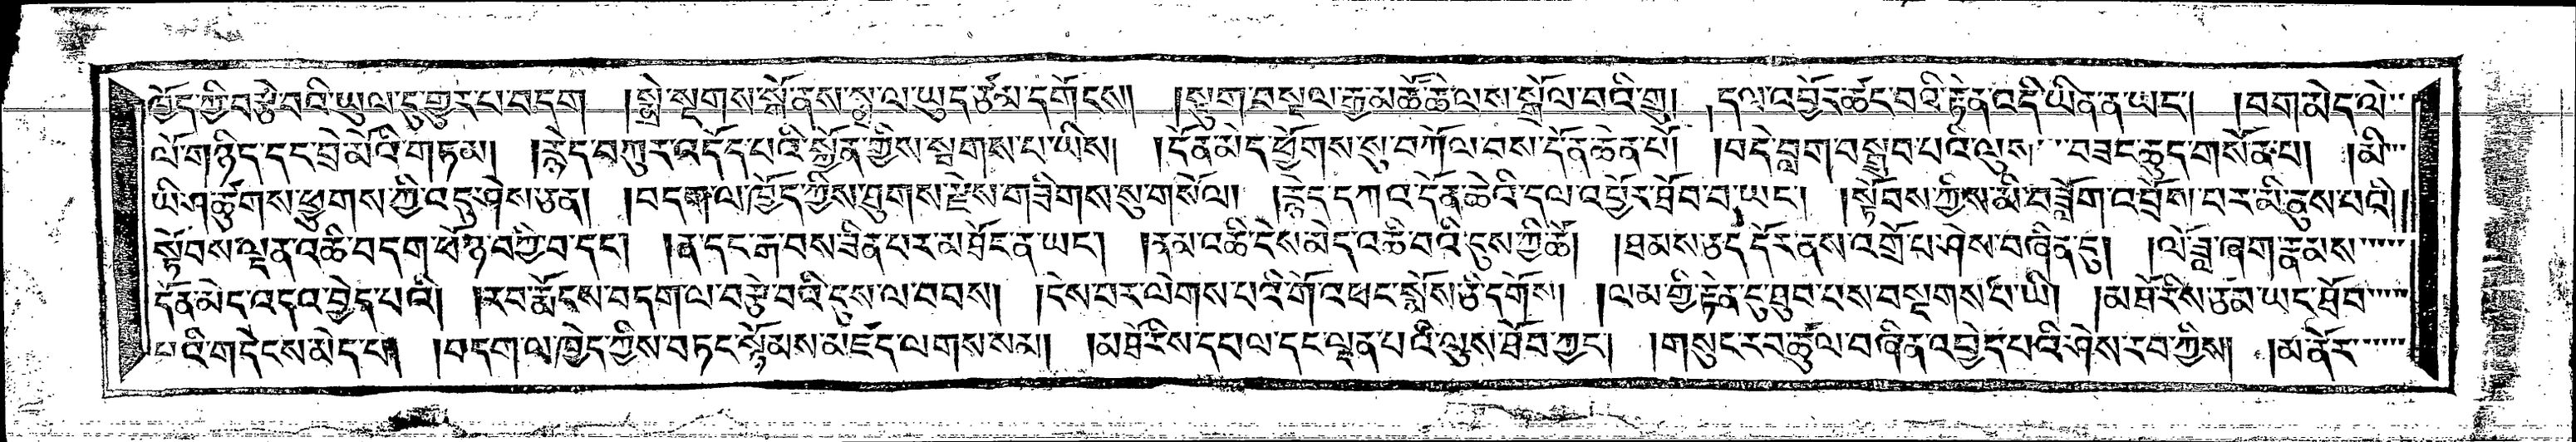ཁྱོད་ཀྱི་བརྩེ་བའི་ཡུལ་དུ་གྱུར་པ་བདག །སྨྲེ་སྔགས་སྒོ་ནས་སྨྲ་ལ་ཡུད་ཙམ་དགོངས། །སྡུག་བསྔལ་རྒྱ་མཚོ་ཆེ་ལས་སྒྲོལ་བའི་གྲུ། །དལ་འབྱོར་ཚང་བའི་རྟེན་འདི་ཡིན་ན་ཡང་། །བག་མེད་ལེ་
ལོ་གཉིད་དང་བྲེ་མོའི་གཏམ། །རྙེད་བཀུར་འདོད་པའི་སྐྱོན་གྱིས་སྦགས་པ་ཡིས། །དོན་མེད་ཕྱོགས་སུ་བཀོལ་བས་དོན་ཆེན་པོ། །བདེ་བླག་བསྒྲུབ་པའི་ལུས་བཟང་ཆུད་གསོན་པ། །མི་
ཡི་ཤ་ཚུགས་ཕྱུགས་ཀྱི་འདུ་ཤེས་ཅན། །བདག་ལ་ཁྱོད་ཀྱིས་ཐུགས་རྗེས་གཟིགས་སུ་གསོལ། །རྙེད་དཀའ་དོན་ཆེའི་དལ་འབྱོར་ཐོབ་པ་ཡང་། །སྟོབས་ཀྱིས་མི་བཟློག་འབྲོས་པར་མི་ནུས་པའི། །
སྟོབས་ལྡན་འཆི་བདག་ཕོ་ཉ་བགྱི་བ་དང་། །ན་དང་རྒ་བས་ཟིན་པར་མཐོང་ན་ཡང་། །ནམ་འཆི་ངེས་མེད་འཆི་བའི་དུས་ཀྱི་ཚེ། །ཐམས་ཅད་དོར་ནས་འགྲོ་བ་ཤེས་བཞིན་དུ། །ལོ་ཟླ་ཞག་རྣམས་
དོན་མེད་འདའ་བྱེད་པའི། །རབ་རྨོངས་བདག་ལ་བརྩེ་བའི་དུས་ལ་བབས། །ངེས་པར་ལེགས་པའི་གོ་འཕང་སྨོས་ཅི་དགོས། །ལམ་གྱི་རྟེན་དུ་ཐུབ་པས་བསྔགས་པ་ཡི། །མཐོ་རིས་ཙམ་ཡང་ཐོབ་
པའི་གདེངས་མེད་པ། །བདག་ལ་ཁྱེད་ཀྱིས་བཏང་སྙོམས་མཛད་ལགས་སམ། །མཐོ་རིས་དཔལ་དང་ལྡན་པའི་ལུས་ཐོབ་ཀྱང་། །གསུང་རབ་ཚུལ་བཞིན་འབྱེད་པའི་ཤེས་རབ་ཀྱིས། །མ་ནོར་